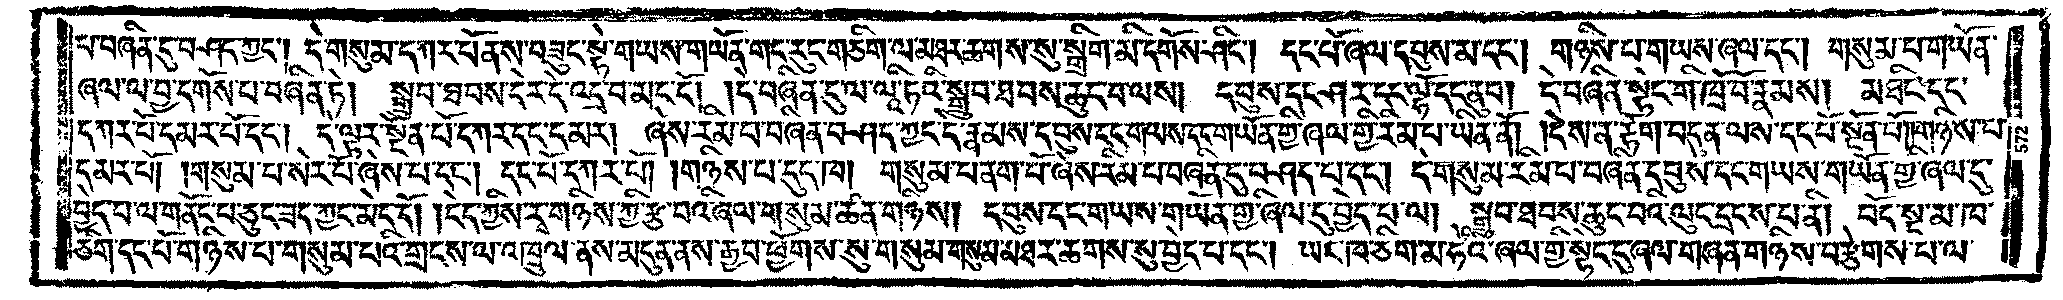པ་བཞིན་དུ་བཤད་ཀྱང་།
དེ་གསུམ་དཀར་པོ་ནས་བཟུང་སྟེ་གཡས་གཡོན་གང་རུང་གཅིག་ལ་མཐར་ཆགས་སུ་སྒྲིག་མི་དགོས་ཤིང་། དང་པོ་ཞལ་དབུས་མ་དང་། གཉིས་པ་གཡས་ཞལ་དང་། གསུམ་པ་གཡོན་ཞལ་ལ་བྱ་དགོས་པ་བཞིན་ཏེ། སྒྲུབ་ཐབས་དེར་དེ་འདྲ་བ་མང་ངོ། །དེ་
བཞིན་དུ་ལ་ལའི་ཏའི་སྒྲུབ་ཐབས་ཆུང་བ་ལས། དབུས་དང་ཤར་དང་ལྷོ་དང་ནུབ། དེ་བཞིན་སྟེང་གི་ཁྲ་བོ་རྣམས། མཐིང་དང་དཀར་པོ་དམར་པོ་དང་། དེ་ལྟར་སྔོན་པོ་དཀར་དང་དམར། ཞེས་རིམ་པ་བཞིན་བཤད་ཀྱང་དེ་རྣམས་དབུས་དང་གཡས་དང་གཡོན་
གྱི་ཞལ་གྱི་རིམ་པ་ཡིན་ནོ། །དེས་ན་རྟོག་བདུན་ལས་དང་པོ་སྔོན་པོ། གཉིས་པ་དམར་པོ། གསུམ་པ་སེར་པོ་ཞེས་པ་དང་། དང་པོ་དཀར་པོ། གཉིས་པ་དུད་ཁ། གསུམ་པ་ནག་པོ་ཞེས་རིམ་པ་བཞིན་དུ་བཤད་པ་དང་། དེ་གསུམ་རིམ་པ་བཞིན་དབུས་དང་གཡས་གཡོན་གྱི་ཞལ་དུ་བྱེད་པ་ལ་གནོད་པ་ཅུང་ཟད་ཀྱང་མེད་དོ། །ངེད་ཀྱིས་རྭ་གཉིས་ཀྱི་རྩ་བའི་ཞལ་གསུམ་ཚན་གཉིས། དབུས་དང་གཡས་གཡོན་གྱི་ཞལ་དུ་བྱེད་པ་ལ། སྒྲུབ་ཐབས་ཆུང་བའི་ལུང་དྲངས་བ་ནི།
བོད་སྔ་མ་ཁ་ཅིག་དང་པོ་གཉིས་པ་གསུམ་པའི་གྲངས་ལ་འཁྲུལ་ནས་མདུན་ནས་རྒྱབ་ཕྱོགས་སུ་གསུམ་གསུམ་མཐར་ཆགས་སུ་བྱེད་པ་དང་། ཡང་ཁ་ཅིག་མ་ཧེའི་ཞལ་གྱི་སྟེང་དུ་ཞལ་གཞན་གཉིས་བརྩེགས་པ་ལ་